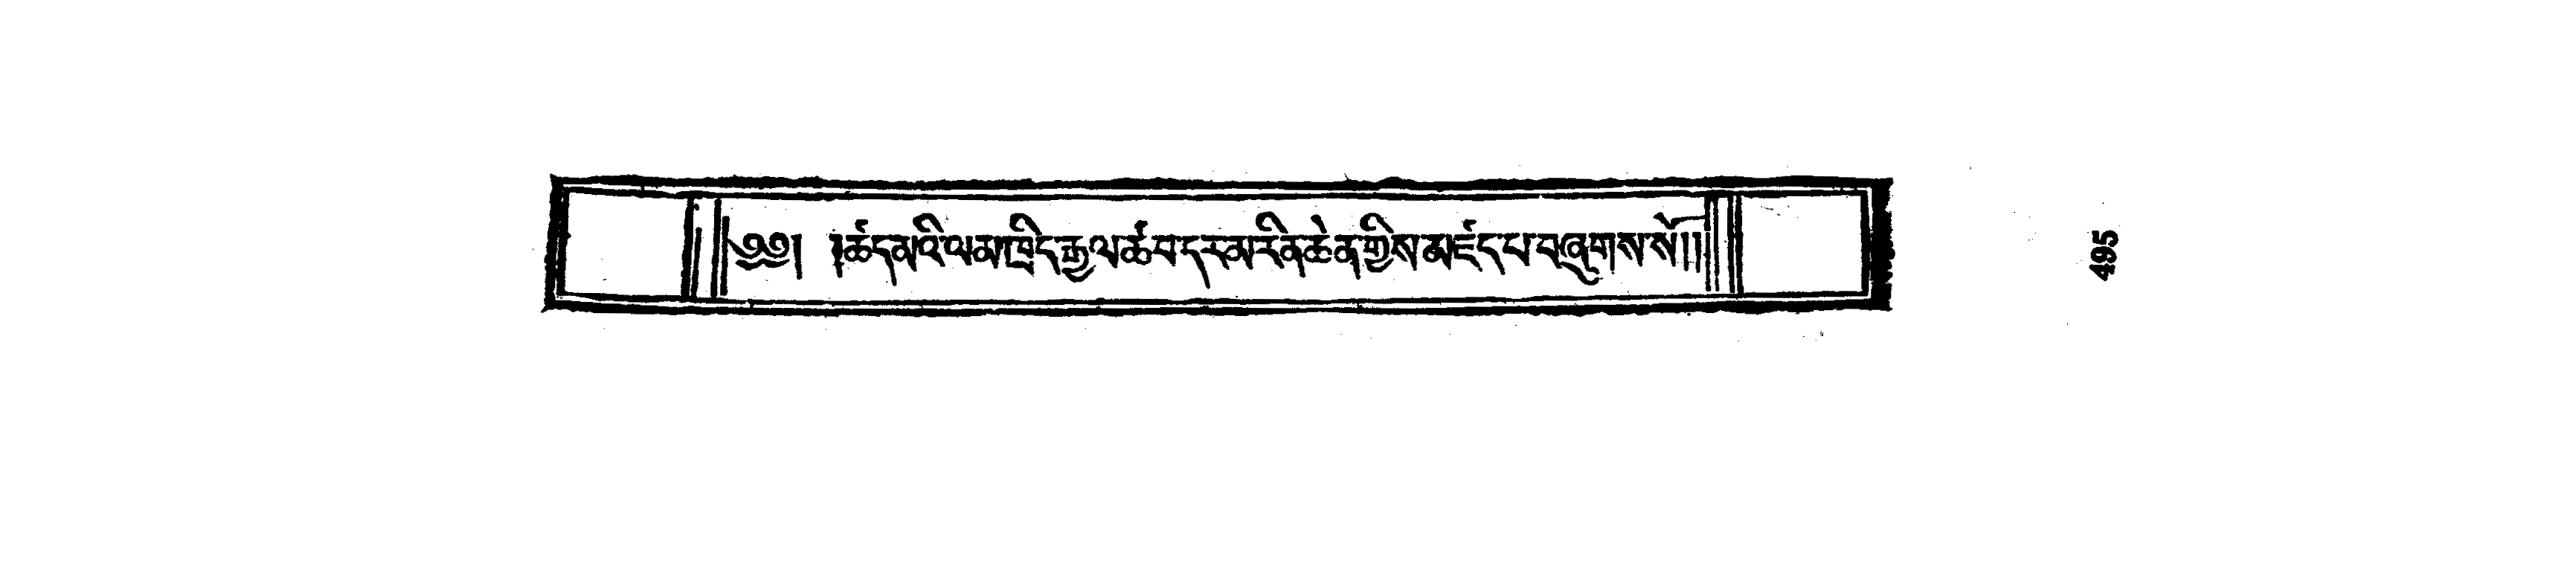༄༅། །ཚད་མའི་ལམ་ཁྲིད་རྒྱལ་ཚབ་དར་མ་རིན་ཆེན་གྱིས་མཛད་པ་བཞུགས་སོ།།